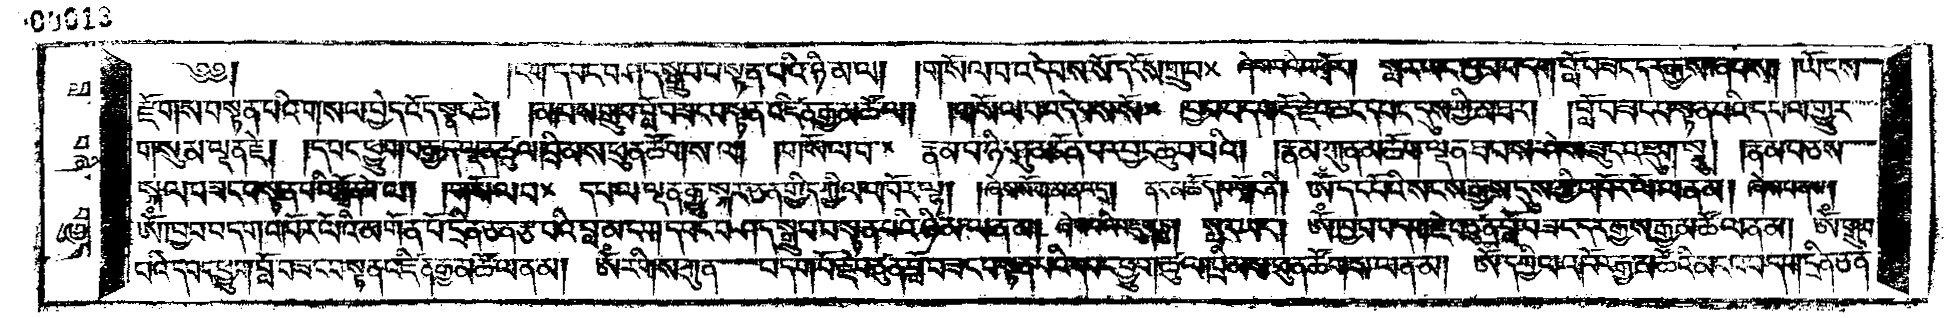༄༅། །ངག་དབང་བཤད་སྒྲུབ་བསྟན་པའི་ཉི་མ་ལ། །གསོལ་བ་འདེབས་སོ་དངོས་གྲུབ྾་ཞེས་པའི་འཕྲོར།  སླར་ཡང་ཁྱབ་བདག་བློ་བཟང་དར་རྒྱས་ཞབས། །ཡོངས་
རྫོགས་བསྟན་པའི་གསལ་བྱེད་འོད་སྣང་ཆེ། །མཁས་གྲུབ་བློ་བཟང་བསྟན་འཛིན་རྒྱ་མཚོ་ལ། །གསོལ་བ་འདེབས་སོ྾་ཁྱབ་བདག་རྡོ་རྗེ་འཆང་དབང་དུས་ཀྱི་མཐར། །བློ་བཟང་བསྟན་པའི་དཔལ་གྱུར་
གསུམ་ལྡན་རྗེ། །དབང་ཕྱུག་བརྒྱད་ལྡན་ཚུལ་ཁྲིམས་ཕུན་ཚོགས་ལ། །གསོལ་བ྾་རྣམ་པ་ཉི་ཤུ་མངོན་པར་བྱང་ཆུབ་པའི། །རྣམ་ཀུན་མཆོག་ལྡན་ཐབས་ཤེས་ཟུང་འཇུག་སྐུ། །རྣམ་བཅས་
སྐལ་བཟང་བསྟན་པའི་སྒྲོན་མེ་ལ། །གསོལ་བ྾་དཔལ་ལྡན་རྒྱུ་སྐར་ཅན་གྱི་དཀྱིལ་འཁོར་ལྷ། །ཞེས་སོག་མན་འདྲ། ནང་མཆོད་ཁ་སྐོང་ནི།  ཨོཾ་དང་པོའི་སངས་རྒྱས་དུས་ཀྱི་འཁོར་ལོ་ལ་ན་མ། ཞེས་པ་ནས།
ཨོཾ་ཁྱབ་བདག་འཁོར་ལོའི་མགོན་པོ་དྲིན་ཅན་རྩ་བའི་བླ་མ་ངག་དབང་བཤད་སྒྲུབ་བསྟན་པའི་ཉི་མ་ལ་ན་མ། ཞེས་པའི་འཇུག་ཏུ།  སླར་ཡང་། ཨོཾ་ཁྱབ་བདག་རྗེ་བཙུན་བློ་བཟང་དར་རྒྱས་རྒྱ་མཚོ་ལ་ན་མ། ཨོཾ་གྲུབ་
པའི་དབང་ཕྱུག་བློ་བཟང་བསྟན་འཛིན་རྒྱ་མཚོ་ལ་ན་མ། ཨོཾ་རིགས་ཀུན་བདག་པོ་རྗེ་བཙུན་བློ་བཟང་བསྟན་པའི་དབང་ཕྱུག་ཚུལ་ཁྲིམས་ཕུན་ཚོགས་ལ་ན་མ། ཨོཾ་དཀྱིལ་འཁོར་རྒྱ་མཚོའི་མངའ་བདག་དྲིན་ཅན་